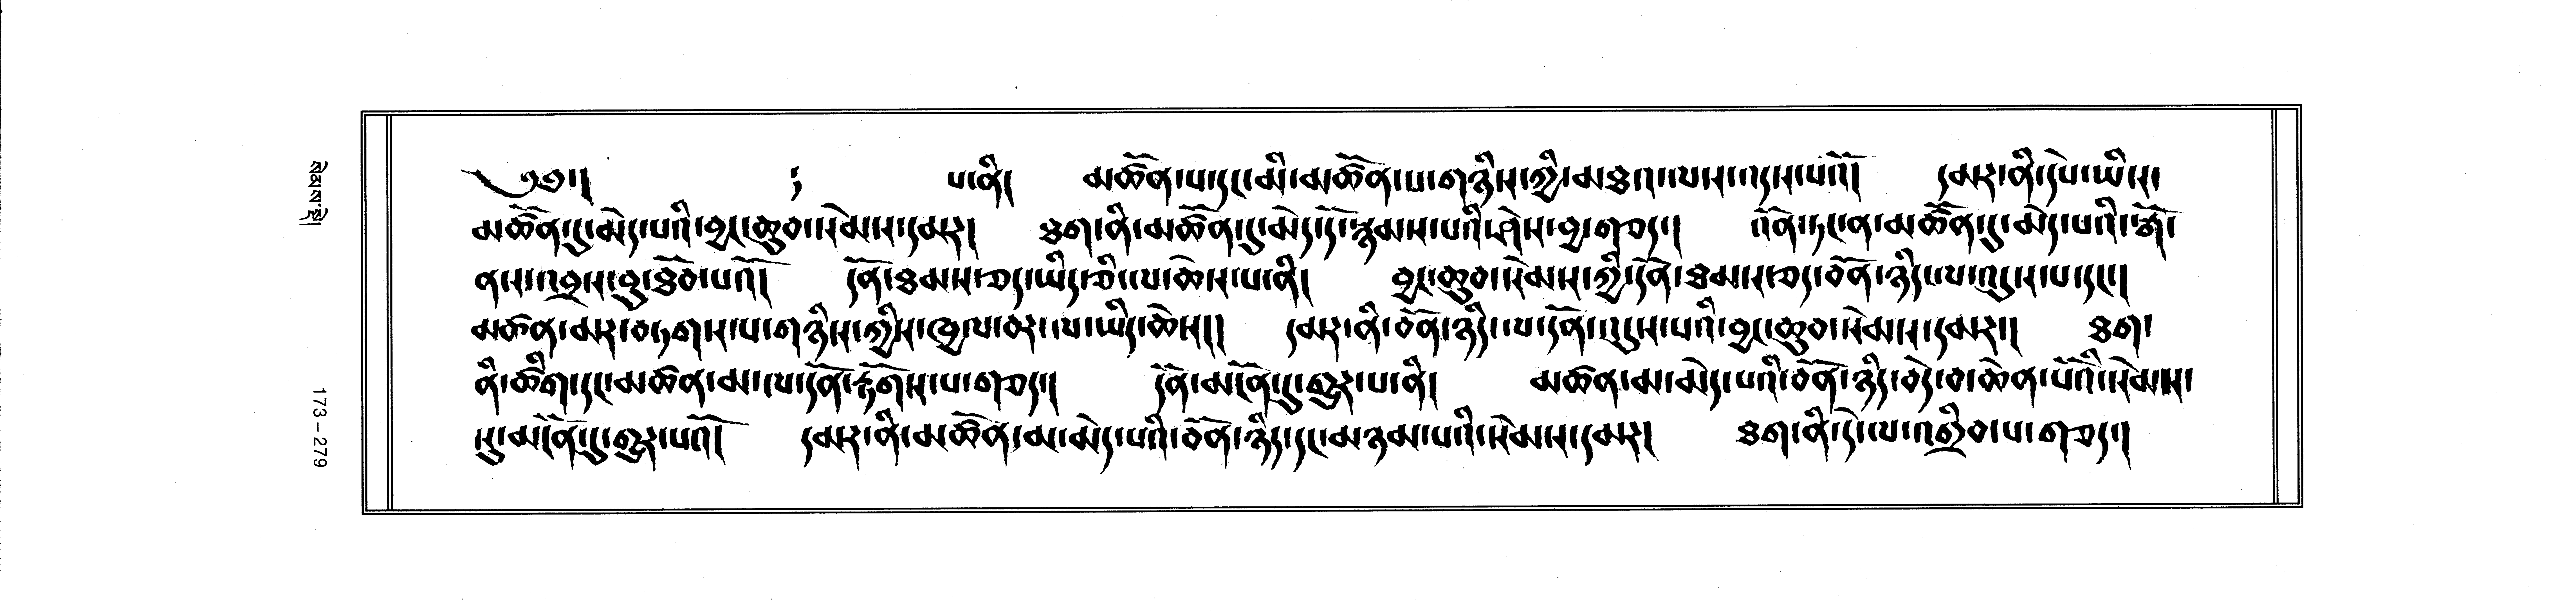པ་ནི། མཚོན་པ་དང་མི་མཚོན་པ་གཉིས་ཀྱི་མཐའ་ལས་འདས་པའོ། །དམར་ནི་དཔེ་ཡིས་
མཚོན་དུ་མེད་པའི་བྱང་ཆུབ་སེམས་དམར། ཐག་ནི་མཚོན་དུ་མེད་དོ་སྙམ་པའི་ཤེས་བྱ་གཅད། འོན་ཏང་ན་མཚོན་དུ་མེད་པའི་སྒོ་
ནས་འབྲས་བུ་ཐོབ་པའོ། །དོན་ཐམས་ཅད་ཡིད་ཅི་ལ་ཆེས་པ་ནི། བྱང་ཆུབ་སེམས་ཀྱི་དོན་ཐམས་ཅད་བོན་ཉིད་ལ་འདུས་པ་དང་། 
མཚན་མར་བཏགས་པ་གཉིས་ཀྱི་ཁྱད་པར་ལ་ཡིད་ཆེས། དམར་ནི་བོན་ཉིད་ལ་དོན་འདུས་པའི་བྱང་ཆུབ་སེམས་དམར། ཐག་
ནི་ཚིག་དང་མཚན་མ་དོན་རྟོགས་པ་གཅད། དོན་མངོན་དུ་གྱུར་པ་ནི། མཚན་མ་མེད་པའི་བོན་ཉིད་བདེ་བ་ཆེན་པོའི་སེམས་
སུ་མངོན་དུ་གྱུར་པའོ། །དམར་ནི་མཚན་མ་མེད་པའི་བོན་ཉིད་དང་མཉམ་པའི་སེམས་དམར། ཐག་ནི་དེ་ལ་འགྲིབ་པ་གཅད།